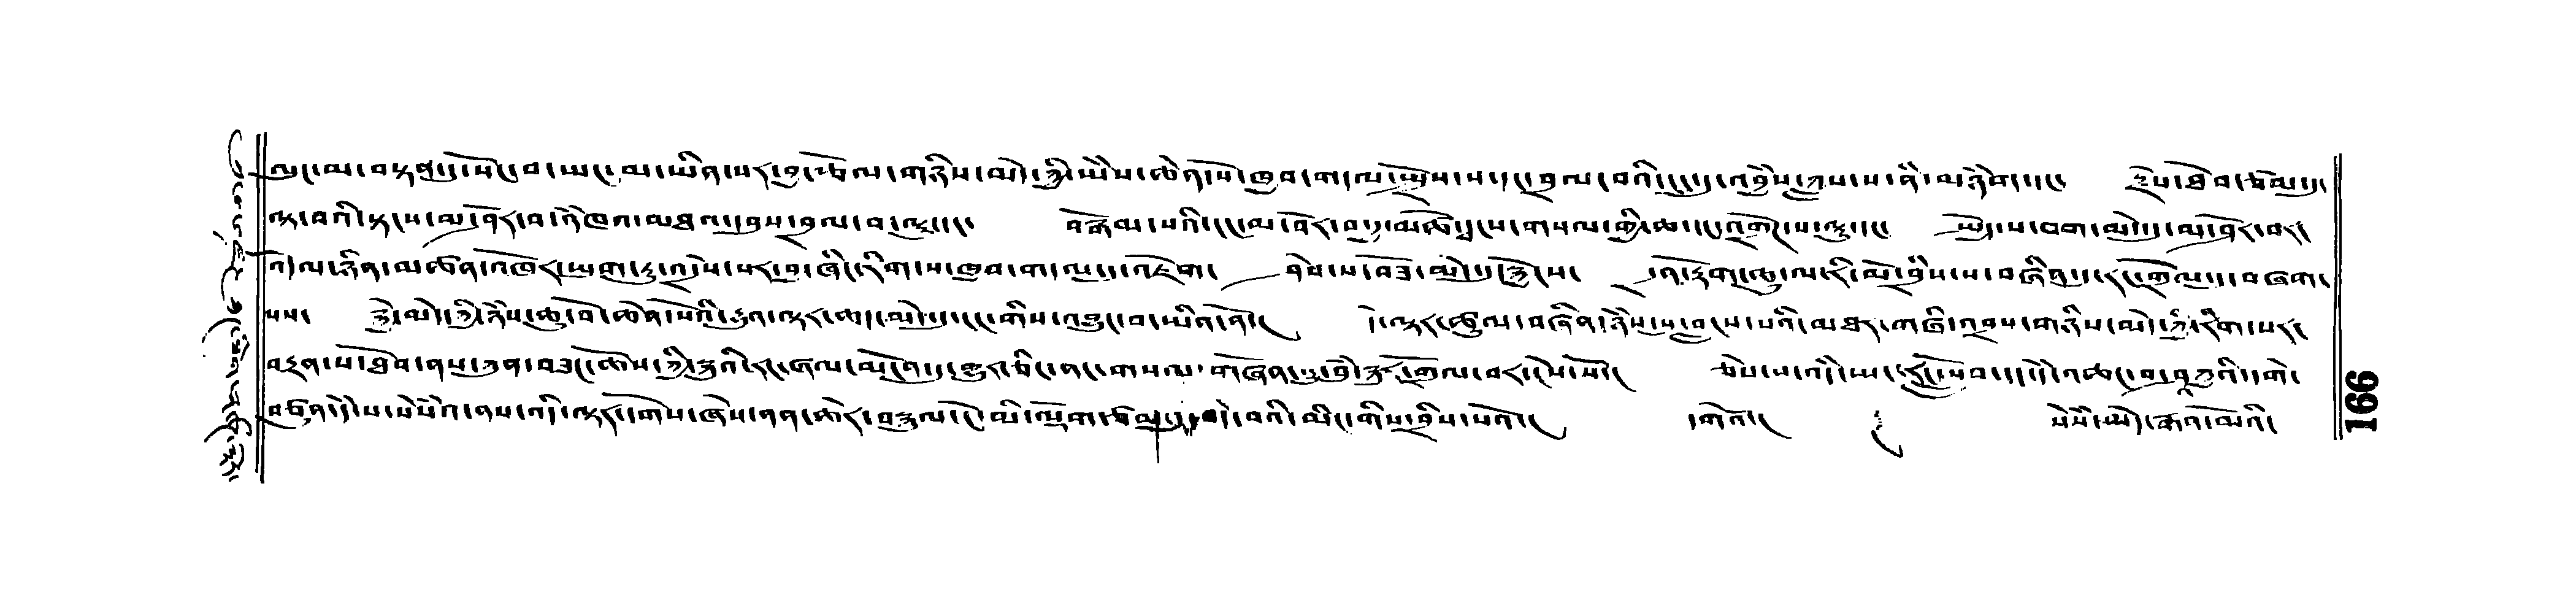ལུང་མ་བསྟན་དུ་སོང་བ་ཡང་མ་ཡིན་པར་བྱ་རྩོལ་གཉིས་མེད་ཀྱི་ཡེ་ཤེས་ཆེན་པོ་ཁྱབ་གདལ་སྤྲོས་པ་དང་བྲལ་བའི་ངང་དུ་འབྱམས་ཀླས་པ་ནི་མཉམ་གཞག་དང་། རྗེས་ཐོབ་ཙམ་དུ་
ལྟ་བའི་སྟངས་མ་ཤོར་བ་ནམ་མཁའ་མཐའ་དབུས་བྲལ་བ་ལྟ་བུ་དང་། བསྒོམ་པའི་ངང་མ་བོར་བ་རྒྱ་མཚོ་དྭངས་གསལ་གྱི་ཆ་དང་འགྲོགས་པ་ལྟ་བུ་དང་། སྤྱོད་པ་བག་མེད་དུ་མ་ཤོར་བར་
འོད་གསལ་ཉིན་མཚན་འཁོར་ཡུག་ཏུ་འདྲེས་པར་བྱ་ཞིང་རིག་པ་ཁྱབ་གདལ་དུ་འཇོག ཤེས་པ་བཟོ་མེད་དུ་སྐྱོང་། དྲན་རྟོག་ཆུ་ལ་རི་མོ་བྲིས་པ་བཞིན་དུ་རང་གྲོལ་དུ་བཞག་
པས། སྐྱེ་མཻད་ཀྱི་ཉམས་ཆུ་བོ་ཆེན་པོའི་རྒྱུན་ལྟར་ཆད་མེད་དུ་ངང་གིས་འབྱུང་བ་ཡིན་ནོ། དེ་ལྟར་ཚུལ་བཞིན་ཉམས་སུ་བླངས་པའི་མཐར་གཞི་འབྲས་གཉིས་མེད་ཀྱི་རིག་པར་
བརྟན་པ་ཐོབ་ནས་ཀུན་བཟང་ཆོས་ཀྱི་སྐུའི་རང་ཞལ་མངོན་དུ་གྱུར་ཅིང་ནང་གསལ་གཞོན་ནུ་བུམ་སྐུར་གྲོལ་བར་ངེས་སོ།། ཅེས་པ་འདི་ཡང་རང་སློབ་དད་དམ་འཆང་བ་ཤཱཀྱའི་དགེ་
བཙུན་དམ་པ་སེམས་དཔའ་ནས་འདི་ལྟར་དགོས་ཞེས་ནན་ཆེར་བསྐུལ་ངོ་མ་ལྡོག་ཙམ་དུ་བདེ་བའི་མིང་གིས་བྲིས་པའོ།། དགེའོ།། ༈ སེམས་མེད་རྒན་མོའི་